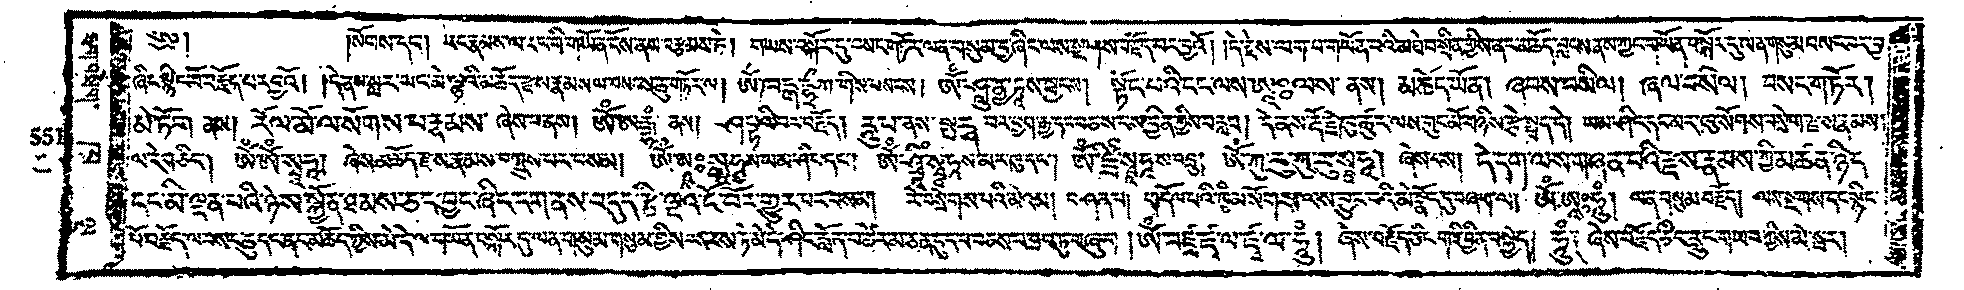༄༅། །སོགས་དང་། ཡང་རྣམས་ལ་རང་གི་གཡོན་ངོས་ནས་བརྩམས་ཏེ། གཡས་བསྐོར་དུ་བསང་གཏོར་ལན་གསུམ་བྱ་ཞིང་ལས་སྔགས་བརྗོད་པར་བྱའོ། །དེ་རྗེས་ལག་པ་གཡོན་པའི་མཐེབ་སྲིན་གྱིས་ནང་མཆོད་བླངས་ནས་ཀྱང་གཡོན་བསྐོར་དུ་ལན་གསུམ་བསང་བར་བྱ་
ཞིང་སྙིང་པོ་བརྗོད་པར་བྱའོ། །དེ་ནས་སླར་ཡང་མེ་ལྷའི་མཆོད་རྫས་རྣམས་ལ་བསངས་ཆུ་གཏོར་ལ། ཨོཾ་ཁངྒ་དྷྲྀ་ཀ་གིས་བསངས།  ཨོཾ་ཤླུ་ནྱ་ཏཱས་སྦྱངས།  སྟོང་པའི་ངང་ལས་ཨཱཿལས་ནས། མཆོད་ཡོན། ཞབས་བསིལ། ཞལ་བསིལ། བསང་གཏོར།
མེ་ཏོག་ནས།  རོལ་མོ་ལ་སོགས་པ་རྣམས་ཞེས་པ་ནས།  ཨོཾ་ཨརྒྷཾ་ནས།  ཤཔྟའི་བར་བརྗོད།  རླུ་པ་ནས་སྤརྴ་བར་ཕྱག་རྒྱ་དང་བཅས་པས་བྱིན་གྱིས་བརླབ། དེ་ནས་རྡོ་རྗེ་ཁུ་ཚུར་ལས་གུང་མོ་གཉིས་རྩེ་སྤྲད་དེ། ཡམ་ཤིང་དང་མར་ཁུ་སོགས་བསྲེག་རྫས་རྣམས།
ལ་རེག་ཅིང་། ཨོཾ་ཨོཾ་སྭཱཧཱ། ཞེས་མཆོད་རྫས་རྣམས་བཀྲུས་པར་བསམ།  ཨོཾ་ཨཱཿསྭཱཧཱས་ཡམ་ཤིང་དང་།  ཨོཾ་ཤྲྭཱིཾ་སྭཱཧའས་མར་ཁུ་དང་།  ཨོཾ་ཛྲིཾ་སྭཱཧཱས་འབྲུ།  ཨོཾ་ཀུ་རུ་ཀུ་རུ་སྭཱཧཱ། ཞེས་པས།  དེ་དག་ལས་གཞན་པའི་རྫས་རྣམས་ཀྱི་མཚན་ཉིད་
དང་མི་ལྡན་པའི་ཉེས་སྐྱོན་ཐམས་ཅད་བྱང་ཞིང་དག་ནས་བདུད་རྩི་ལྔའི་ངོ་བོར་གྱུར་པར་བསམ། རེ་བསྲེགས་པའི་མེའམ། བཤན་པ། གདོལ་པའི་ཁྱིམ་སོགས་ལས་བྱུང་བའི་མེ་སྣོད་དུ་བཞག་ལ།  ཨོཾ་ཨཱཿཧཱུཾ། ལན་གསུམ་བརྗོད། ལས་སྔགས་དང་སྙིང་
པོ་བརྗོད་ལ་བསང་ཆུ་དང་ནང་མཆོད་ཀྱིས་མེ་དེ་ལ་གཡོན་བསྐོར་དུ་ལན་གསུམ་གསུམ་གྱིས་བསངས་ཏེ་མེ་དེ་ཤིང་རློན་པ་ཚེར་མ་ཅན་དུད་པ་བཅས་པ་ཐབ་ཏུ་གཞུག །ཨོཾ་བཛྲ་ཛ་ལ་ཛྭ་ལ་ཧཱུཾ། ཞེས་བརྗོད་ཅིང་གཟི་བྱིན་བསྐྱེད།  ཧཱུཾ༑ ཞེས་བརྗོད་ཅིང་རླུང་གཡབ་ཀྱིས་མེ་སྦར།